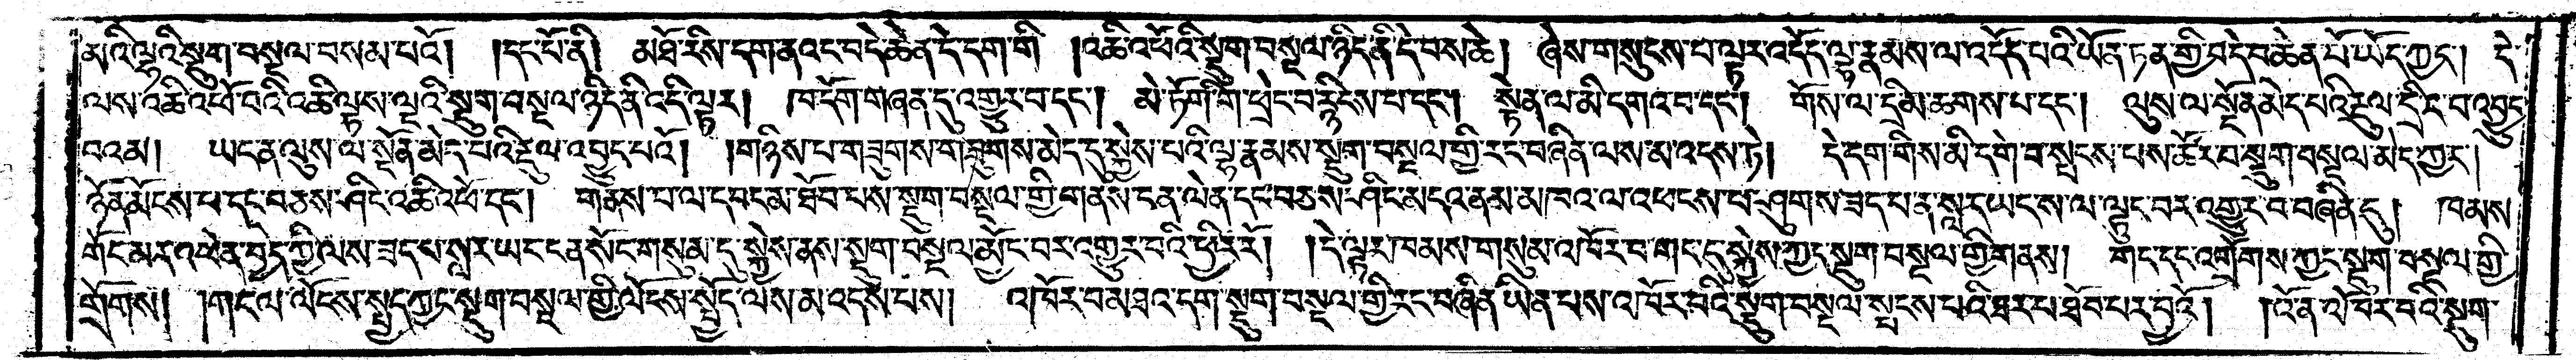མའི་ལྷའི་སྡུག་བསྔལ་བསམ་པའོ། །དང་པོ་ནི། མཐོ་རིས་དག་ནའང་བདེ་ཆེན་དེ་དག་གི །འཆི་འཕོའི་སྡུག་བསྔལ་ཉིད་ནི་དེ་བས་ཆེ། ཞེས་གསུངས་པ་ལྟར་འདོད་ལྷ་རྣམས་ལ་འདོད་པའི་ཡོན་ཏན་གྱི་བདེ་བ་ཆེན་པོ་ཡོད་ཀྱང་། དེ་
ལས་འཆི་འཕོ་བའི་འཆི་ལྟས་ལྔའི་སྡུག་བསྔལ་ཉིད་ནི་འདི་ལྟར། ཁ་དོག་གཞན་དུ་འགྱུར་བ་དང་། མེ་ཏོག་གི་ཕྲེང་བ་རྙིངས་པ་དང་། སྟེན་ལ་མི་དགའ་བ་དང་། གོས་ལ་དྲི་མ་ཆགས་པ་དང་། ལུས་ལ་སྔོན་མེད་པའི་རྡུལ་དྲིང་བ་འབྱུང་
བའམ། ཡང་ན་ལུས་ལ་སྔོན་མེད་པའི་རྡུལ་འབྱུང་པའོ། །གཉིས་པ་གཟུགས་གཟུགས་མེད་དུ་སྐྱེས་པའི་ལྷ་རྣམས་སྡུག་བསྔལ་གྱི་རང་བཞིན་ལས་མ་འདས་ཏེ། དེ་དག་གིས་མི་དགེ་བ་སྤངས་པས་ཚོར་བ་སྡུག་བསྔལ་མེད་ཀྱང་།
ཉོན་མོངས་པ་དང་བཅས་ཤིང་འཆི་འཕོ་དང་། གནས་པ་ལ་དབང་མ་ཐོབ་པས་སྡུག་བསྔལ་གྱི་གནས་ངན་ལེན་དང་བཅས་ཤིང་མདའ་ནམ་མཁའ་ལ་འཕངས་པ་ཤུགས་ཟད་པ་ན་སླར་ཡང་ས་ལ་ལྟུང་བར་འགྱུར་བ་བཞིན་དུ། ཁམས་
གོང་མར་འཕེན་བྱེད་ཀྱི་ལས་ཟད་པ་སླར་ཡང་ངན་སོང་གསུམ་དུ་སྐྱེས་ནས་སྡུག་བསྔལ་མྱོང་བར་འགྱུར་བའི་ཕྱིར་རོ། །དེ་ལྟར་ཁམས་གསུམ་འཁོར་བ་གང་དུ་སྐྱེས་ཀྱང་སྡུག་བསྔལ་གྱི་གནས། གང་དང་འགྲོགས་ཀྱང་སྡུག་བསྔལ་གྱི་
གྲོགས། །གང་ལ་ལོངས་སྤྱད་ཀྱང་སྡུག་བསྔལ་གྱི་ལོངས་སྤྱོད་ལས་མ་འདས་པས། འཁོར་བ་མཐའ་དག་སྡུག་བསྔལ་གྱི་རང་བཞིན་ཡིན་པས་འཁོར་བའི་སྡུག་བསྔལ་སྤངས་པའི་ཐར་པ་ཐོབ་པར་བྱའོ། །འོ་ན་འཁོར་བའི་སྡུག་